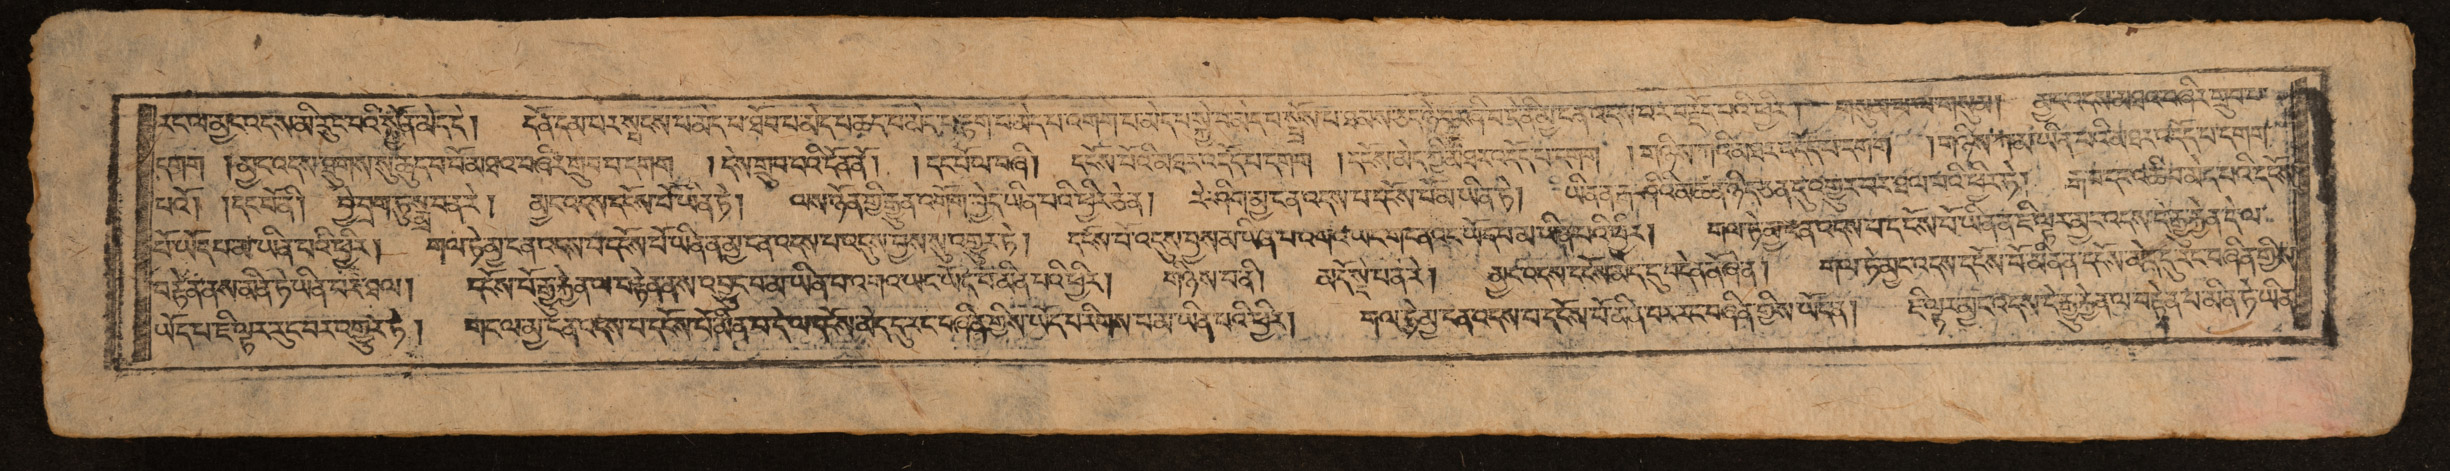རང་ལ་མྱང་འདས་མི་རུང་བའི་སྐྱོན་མེད་དེ། དོན་དམ་པར་སྤངས་པ་མེད་པ་ཐོབ་པ་མེད་པ་ཆད་པ་མེད་པ་རྟག་པ་མེད་པ་འགག་པ་མེད་པ་སྐྱེ་བ་མེད་པ་སྤྲོས་པ་ཐམས་ཅད་ཉེ་བར་ཞི་བ་དེ་ནི་མྱ་ངན་འདས་པར་བརྗོད་པའི་ཕྱིར། གསུམ་པ་ལ་གསུམ། མྱང་འདས་མཐའ་བཞིར་གྲུབ་པ་
དགག །མྱང་འདས་ཐུགས་སུ་ཆུད་པ་པོ་མཐའ་བཞིར་གྲུབ་པ་དགག །དེས་གྲུབ་པའི་དོན་ནོ། །དང་པོ་ལ་བཞི། དངོས་པོའི་མཐར་འདོད་པ་དགག །དངོས་མེད་ཀྱི་མཐར་འདོད་པ་དགག །གཉིས་ཀའི་མཐར་འདོད་པ་དགག །གཉིས་ཀ་མ་ཡིན་པའི་མཐར་འདོད་པ་དགག་
པའོ། །དང་པོ་ནི། བྱེ་བྲག་ཏུ་སྨྲ་བ་ན་རེ། མྱང་འདས་དངོས་པོ་ཡིན་ཏེ། ལས་ཉོན་གྱི་རྒྱུན་འགོག་བྱེད་ཡིན་པའི་ཕྱིར་ཅེ་ན། རེ་ཤིག་མྱ་ངན་འདས་པ་དངོས་པོ་མ་ཡིན་ཏེ། ཡིན་ན་རྒ་ཤིའི་མཚན་ཉིད་ཅན་དུ་འགྱུར་བར་ཐལ་པའི་ཕྱིར་ཏེ། རྒ་བ་དང་འཆི་བ་མེད་པའི་དངོས་
པོ་ཡོད་པ་མ་ཡིན་པའི་ཕྱིར། གལ་ཏེ་མྱ་ངན་འདས་པ་དངོས་པོ་ཡིན་ན་མྱ་ངན་ལས་འདས་པ་འདུས་བྱས་སུ་འགྱུར་ཏེ། དངོས་པོ་འདུས་བྱས་མ་ཡིན་པ་འགའ་ཡང་གང་ནའང་ཡོད་པ་མ་ཡིན་པའི་ཕྱིར། གལ་ཏེ་མྱ་ངན་འདས་པ་དངོས་པོ་ཡིན་ན་ཇི་ལྟར་མྱང་འདས་དེ་རྒྱུ་རྐྱེན་དེ་ལ་
བརྟེན་ནས་མིན་ཏེ་ཡིན་པར་ཐལ། དངོས་པོ་རྒྱུ་རྐྱེན་ལ་བརྟེན་ནས་འབྱུང་བ་མ་ཡིན་པ་འགའ་ཡང་ཡོད་པ་མིན་པའི་ཕྱིར། གཉིས་པ་ནི། མདོ་སྡེ་པ་ན་རེ། མྱང་འདས་དངོས་མེད་དུ་བདེན་ནོ་ཞེ་ན། གལ་ཏེ་མྱང་འདས་དངོས་པོ་མིན་ན་དངོས་མེད་དུ་རང་བཞིན་གྱིས་
ཡོད་པ་ཇི་ལྟར་རུང་བར་འགྱུར་ཏེ། གང་ལ་མྱ་ངན་འདས་པ་དངོས་པོ་མིན་པ་དེ་ལ་དངོས་མེད་དུ་རང་བཞིན་གྱིས་ཡོད་པ་རིགས་པ་མ་ཡིན་པའི་ཕྱིར། གལ་ཏེ་མྱ་ངན་འདས་པ་དངོས་པོ་མིན་པར་རང་བཞིན་གྱིས་ཡོད་ན། ཇི་ལྟར་མྱང་འདས་དེ་རྒྱུ་རྐྱེན་ལ་བརྟེན་པ་མིན་ཏེ་ཡིན་